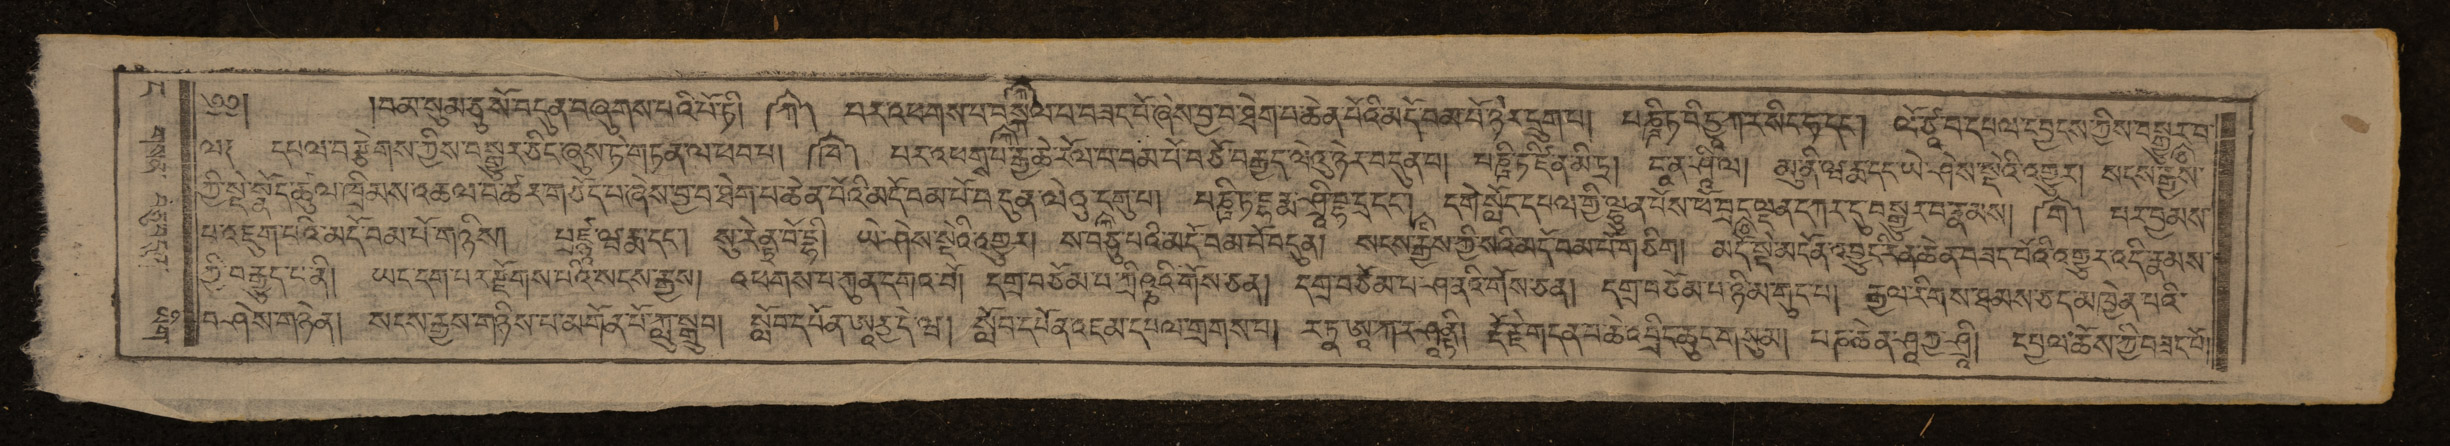༄༅། །བམ་སུམ་ཅུ་སོ་བདུན་བཞུགས་པའི་པོ་ཏི། {ཀ}་པར་འཕགས་པ་བསྐལ་པ་བཟང་བོ་ཞེས་བྱ་བ་ཐེག་པ་ཆེན་པོའི་མདོ་བམ་པོ་ཉེར་དྲུག་པ། པཎྚི་ཏ་བི་དྱཱ་ཀར་སིང་ཧ་དང་། ལོ་ཙཱ་པ་དཔལ་དབྱངས་ཀྱིས་བསྒྱུར་བ་
ལ༑ དཔལ་བརྩེགས་ཀྱིས་བསྒྱུར་ཅིང་ཞུས་ཏེ་གཏན་ལ་ཕབ་པ། {ཁ}་བར་འཕགས་པ་རྒྱ་ཆེ་རོལ་པ་བམ་པོ་བཅོ་བརྒྱད་ལེའུ་ཉེར་བདུན་བ། པཎྚྀ་ཏ་ཛི་ན་མི་ཏྲ། དཱ་ན་ཤའི་ལ། མུ་ནི་ཝ་རྨ་དང་ཡེ་ཤེས་སྡེའི་འགྱུར། སངས་རྒྱས་
ཀྱི་སྡེ་སྣོད་ཚུལ་ཁྲིམས་འཆལ་བ་ཚར་གཅོད་པ་ཞེས་བྱ་བ་ཐེག་པ་ཆེན་པོའི་མདོ་བམ་པོ་བདུན་ལེའུ་དགུ་པ། པཎྚྀ་ཏ་དྷ་རྨ་ཤྲའི་བྷ་དྲ་དང་། དགེ་སློང་དཔལ་གྱི་ལྷུན་པོས་ཕོ་བྲང་ལྡན་དཀར་དུ་བསྒྱུར་བ་རྣམས། {ག}་བར་བྱམས་
པ་འཇུག་བའི་མདོ་བམ་པོ་གཉིས། པྲ་ཛྙཱ་ཝ་རྨ་དང་། སུ་རེ་ནྟྲ་པོ་དྷི། ཡེ་ཤེས་སྡེའི་འགྱུར། ས་བཅུ་པའི་མདོ་བམ་བམ་པོ་བདུན། སངས་རྒྱས་ཀྱི་སའི་མདོ་བམ་པོ་གཅིག། མདོ་སྡེ་མདོན་འབྱུང་རིན་བཟང་པོའི་འགྱུར་འདི་རྣམས་
ཀྱི་བརྒྱུད་པ་ནི། ཡང་དག་པར་རྫོགས་པའི་སངས་རྒྱས། འཕགས་པ་ཀུན་དགའ་བོ། དགྲ་བཅོམ་པ་ཀྲི་ཥཎའི་གོས་ཅན། དགྲ་བཅོམ་པ་ཤ་ནཏཱི་གོས་ཅན། དགྲ་བཅོམ་པ་ཉི་མ་གྲུང་པ། རྒྱལ་རིག་ཐམས་ཅད་མཁྱེན་པའི་
བཤེས་གཉེན། སངས་རྒྱས་པ་མགོན་པོ་ཀླུ་སྒྲུབ། སློབ་དཔོན་ཨཱ་རྱ་དེ་ཝ། སློབ་དཔོན་འཇམ་དཔལ་གྲགས་པ། ར་ཏྲ་ཨཱ་ཀར་ཤཱནྟི། རྡོ་རྗེ་གདན་པ་ཆེ་འབྲིང་ཆུང་གསུམ། པཎ་ཆེན་ཤཱཀྱ་ཤྲའི། དབྱལ་ཆོས་ཀྱི་བཟང་པོ།